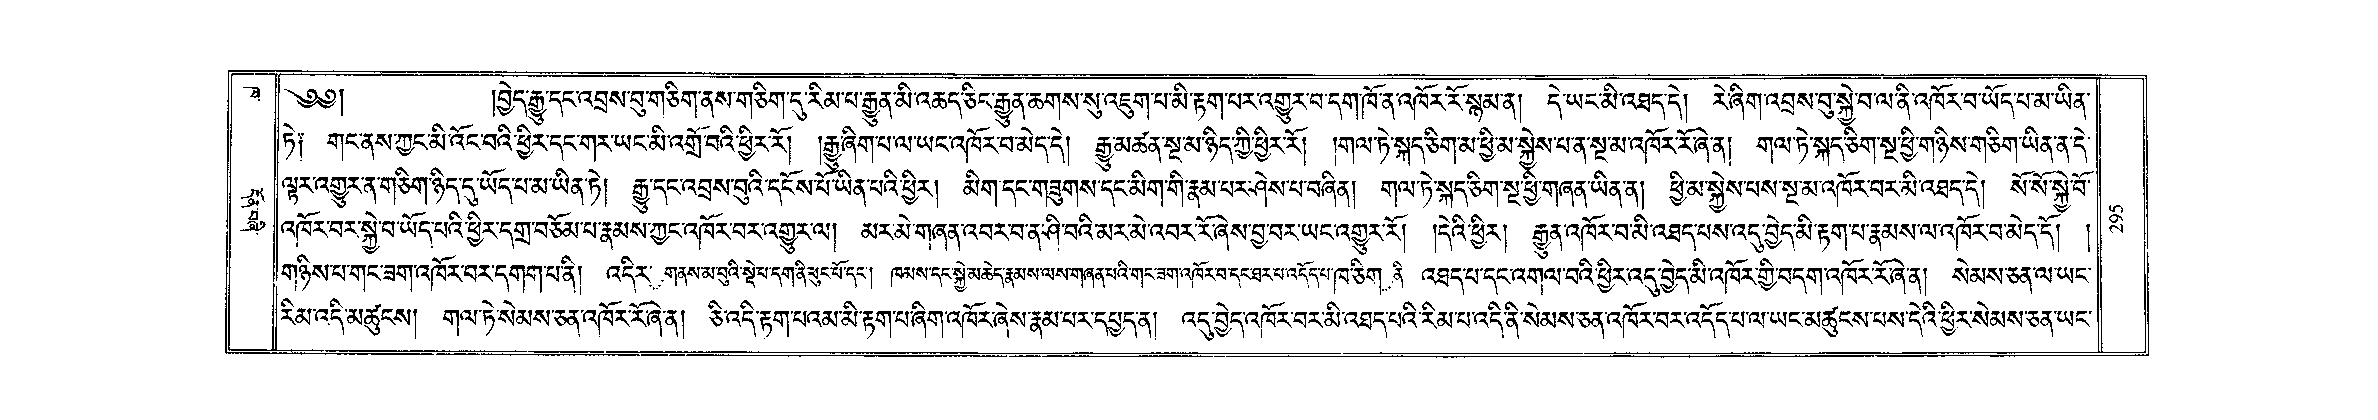༄༅། །བྱེད་རྒྱུ་དང་འབྲས་བུ་གཅིག་ནས་གཅིག་དུ་རིམ་པ་རྒྱུན་མི་འཆད་ཅིང་རྒྱུན་ཆགས་སུ་འཇུག་པ་མི་རྟག་པར་འགྱུར་བ་དག་ཁོ་ན་འཁོར་རོ་སྙམ་ན། དེ་ཡང་མི་འཐད་དེ། །རེ་ཞིག་འབྲས་བུ་སྐྱེ་བ་ལ་ནི་འཁོར་བ་ཡོད་པ་མ་ཡིན་
ཏེ༑ གང་ནས་ཀྱང་མི་འོང་བའི་ཕྱིར་དང་གར་ཡང་མི་འགྲོ་བའི་ཕྱིར་རོ། །རྒྱུ་ཞིག་པ་ལ་ཡང་འཁོར་བ་མེད་དེ། རྒྱུ་མཚན་སྔ་མ་ཉིད་ཀྱི་ཕྱིར་རོ། །གལ་ཏེ་སྐད་ཅིག་མ་ཕྱི་མ་སྐྱེས་པ་ན་སྔ་མ་འཁོར་རོ་ཞེ་ན། གལ་ཏེ་སྐད་ཅིག་སྔ་ཕྱི་གཉིས་གཅིག་ཡིན་ན་དེ་
ལྟར་འགྱུར་ན་གཅིག་ཉིད་དུ་ཡོད་པ་མ་ཡིན་ཏེ། རྒྱུ་དང་འབྲས་བུའི་དངོས་པོ་ཡིན་པའི་ཕྱིར། མིག་དང་གཟུགས་དང་མིག་གི་རྣམ་པར་ཤེས་པ་བཞིན། གལ་ཏེ་སྐད་ཅིག་སྔ་ཕྱི་གཞན་ཡིན་ན། ཕྱི་མ་སྐྱེས་པས་སྔ་མ་འཁོར་བར་མི་འཐད་དེ། སོ་སོ་སྐྱེ་བོ་
འཁོར་བར་སྐྱེ་བ་ཡོད་པའི་ཕྱིར་དགྲ་བཅོམ་པ་རྣམས་ཀྱང་འཁོར་བར་འགྱུར་ལ། མར་མེ་གཞན་འབར་བ་ན་ཤི་བའི་མར་མེ་འབར་རོ་ཞེས་བྱ་བར་ཡང་འགྱུར་རོ། །དེའི་ཕྱིར། རྒྱུན་འཁོར་བ་མི་འཐད་པས་འདུ་བྱེད་མི་རྟག་པ་རྣམས་ལ་འཁོར་བ་མེད་དོ། །
གཉིས་པ་གང་ཟག་འཁོར་བར་དགག་པ་ནི། འདིར་གནས་མ་བུའི་སྡེ་པ་དག་ནི་ཕུང་པོ་དང་། ཁམས་དང་སྐྱེ་མཆེད་རྣམས་ལས་གཞན་པའི་གང་ཟག་འཁོར་བ་དང་ཐར་པ་འདོད་པ་ཁ་ཅིག་ནི་འཐད་པ་དང་འགལ་བའི་ཕྱིར་འདུ་བྱེད་མི་འཁོར་གྱི་བདག་འཁོར་རོ་ཞེ་ན། སེམས་ཅན་ལ་ཡང་
རིམ་འདི་མཚུངས། གལ་ཏེ་སེམས་ཅན་འཁོར་རོ་ཞེ་ན། ཅི་འདི་རྟག་པའམ་མི་རྟག་པ་ཞིག་འཁོར་ཞེས་རྣམ་པར་དཔྱད་ན། འདུ་བྱེད་འཁོར་བར་མི་འཐད་པའི་རིམ་པ་འདི་ནི་སེམས་ཅན་འཁོར་བར་འདོད་པ་ལ་ཡང་མཚུངས་པས་དེའི་ཕྱིར་སེམས་ཅན་ཡང་